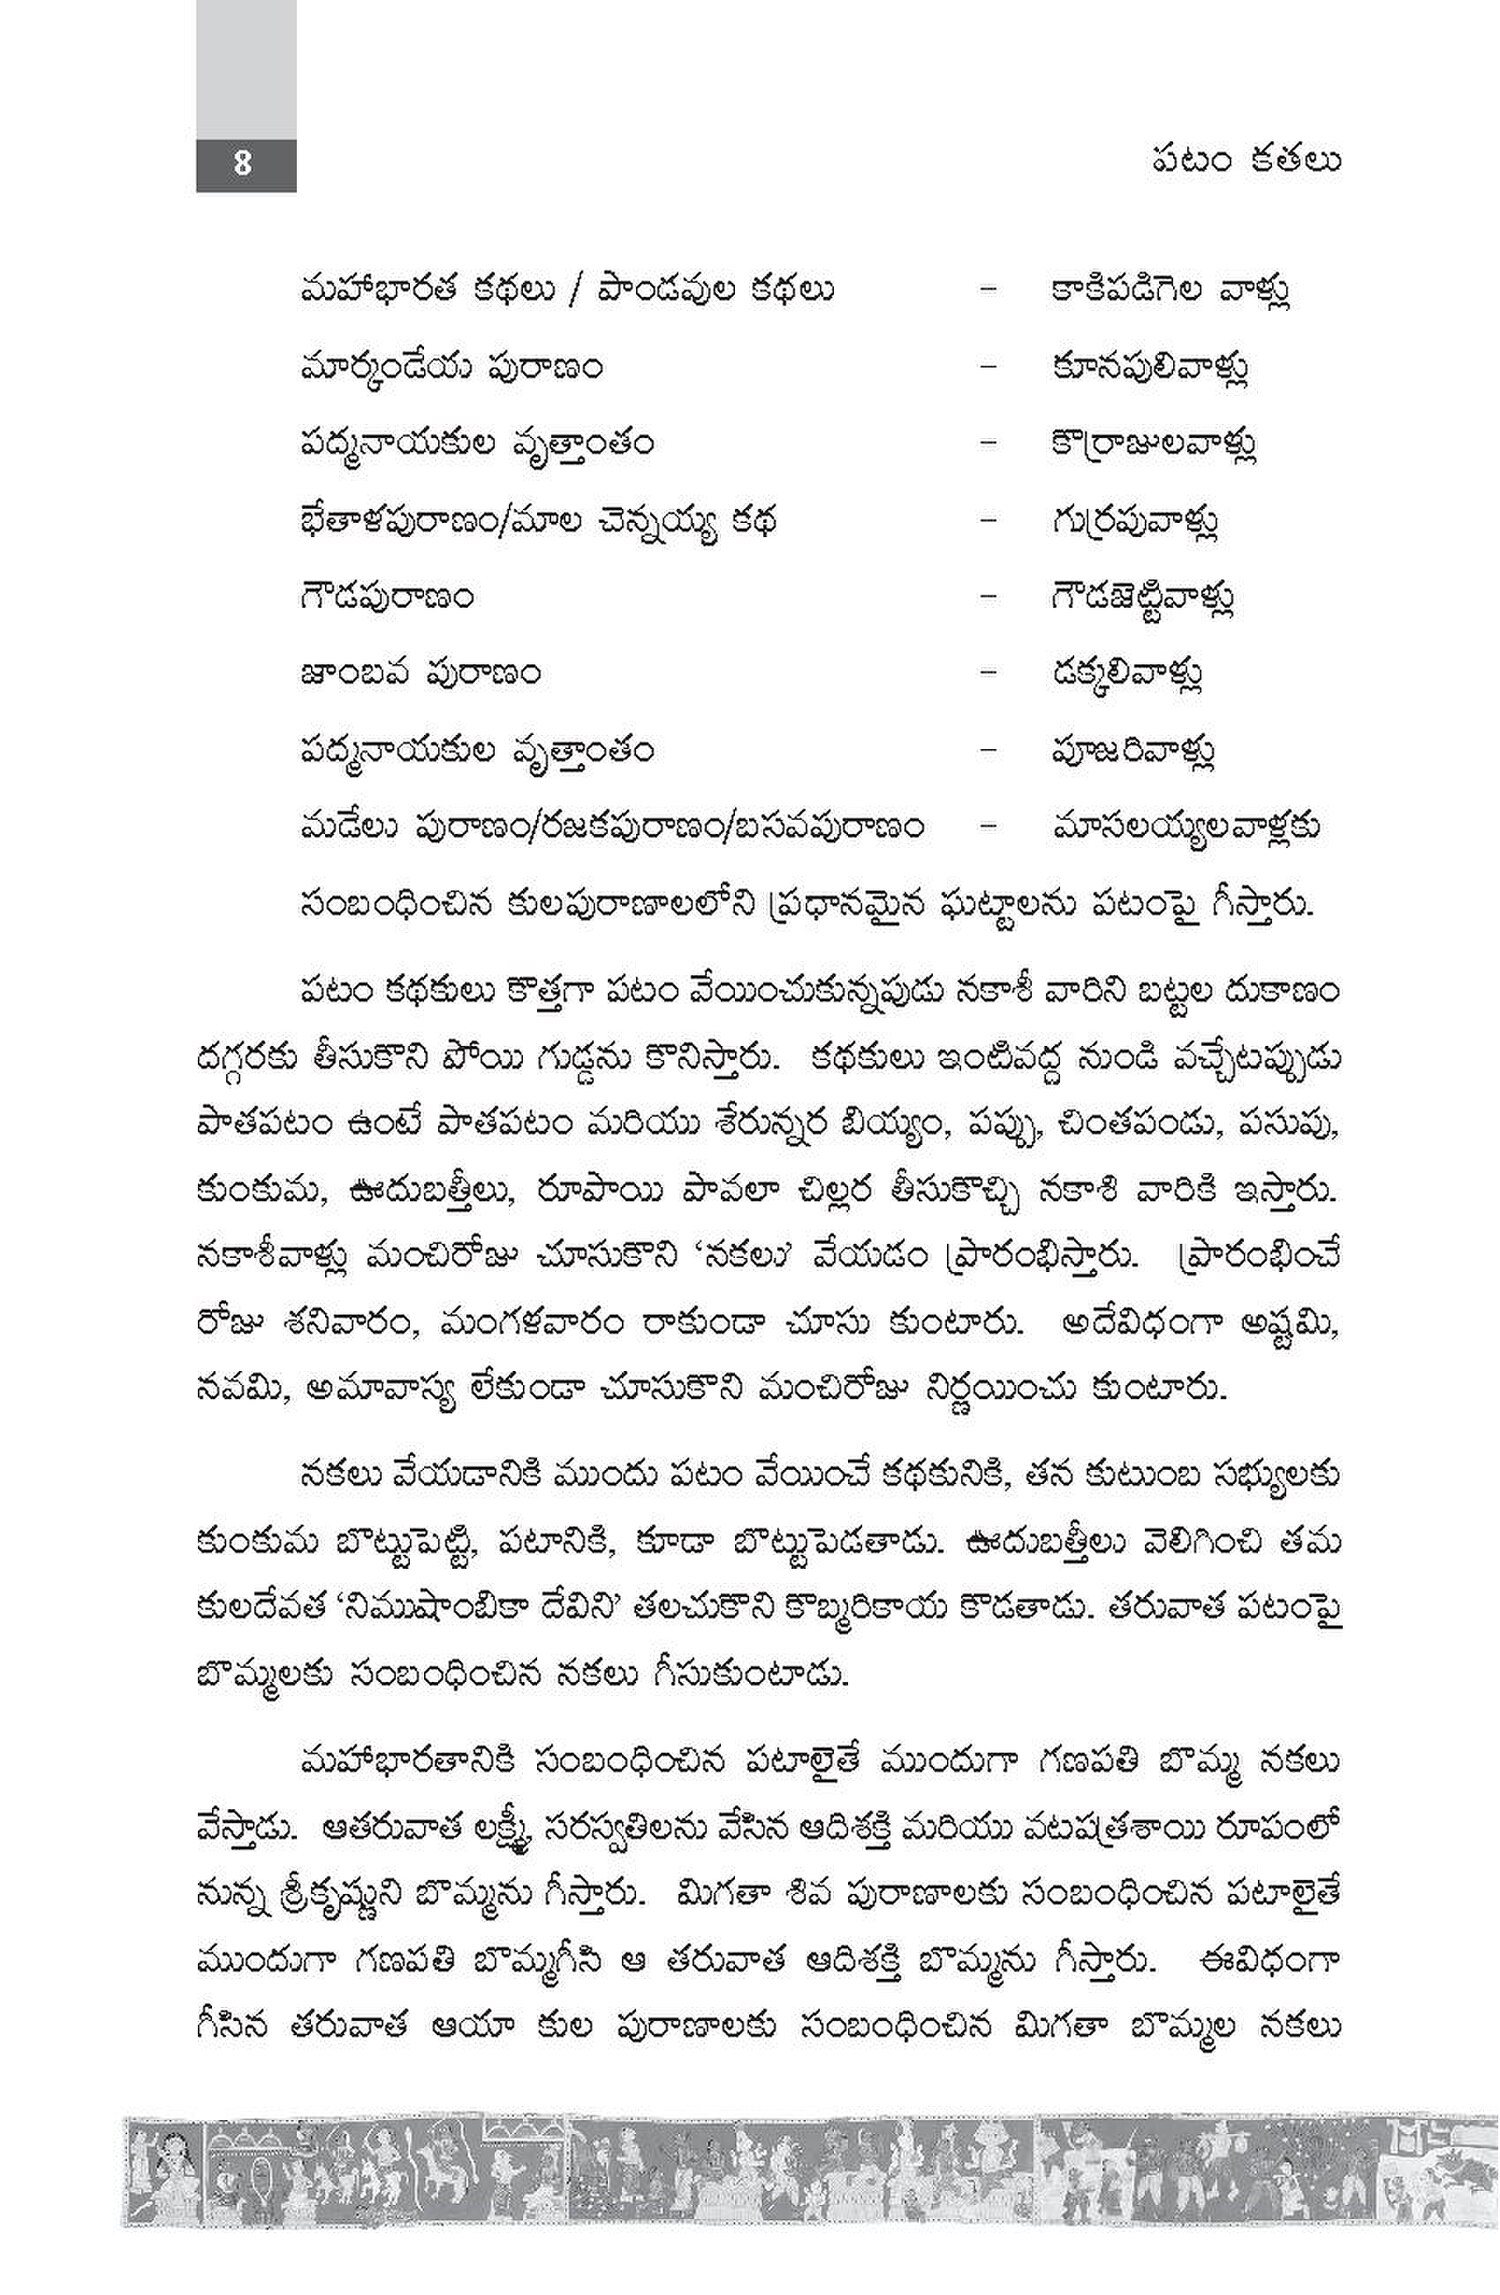+ నాభికా పురాణం అద్దపువాళ్లు గౌడపురాణం ఏనూటివాళ్లు మహాభారత కథలు / పాండవుల కథలు కాకిపడిగెల వాళ్లు మార్కండేయ పురాణం కూనపులివాళ్లు పద్మనాయకుల వృత్తాంతం కొర్రాజులవాళ్ళు భేతాళపురాణం/మాల చెన్నయ్య కథ గుర్రపువాళ్ళు గౌడపురాణం గౌడజెట్టివాళ్లు జాంబవ పురాణం డక్కలివాళ్ళు పద్మనాయకుల వృత్తాంతం పూజరివాళ్ళు మడేలు పురాణం/రజకపురాణం/బసవపురాణం మాసలయ్యల వాళ్లకు

సంబంధించిన కులపురాణాలలోని ప్రధానమైన ఘట్టాలను పటంపై గీస్తారు.

పటం కథకులు కొత్తగా పటం వేయించుకున్నపుడు నకాశీ వారిని బట్టల దుకాణం దగ్గరకు తీసుకొని పోయి గుడ్డను కొనిస్తారు. కథకులు ఇంటివద్ద నుండి వచ్చేటప్పుడు పాతపటం ఉంటే పాతపటం మరియు శేరున్నర బియ్యం, పప్పు, చింతపండు, పసుపు, కుంకుమ, ఊదుబత్తీలు, రూపాయి పావలా చిల్లర తీసుకొచ్చి నకాశి వారికి ఇస్తారు. నకాశీవాళ్లు మంచిరోజు చూసుకొని 'నకలు' వేయడం ప్రారంభిస్తారు. ప్రారంభించే రోజు శనివారం, మంగళవారం రాకుండా చూసు కుంటారు. అదేవిధంగా అష్టమి, నవమి, అమావాస్య లేకుండా చూసుకొని మంచిరోజు నిర్ణయించు కుంటారు.

నకలు వేయడానికి ముందు పటం వేయించే కథకునికి, తన కుటుంబ సభ్యులకు కుంకుమ బొట్టుపెట్టి, పటానికి, కూడా బొట్టుపెడతాడు. ఊదుబత్తీలు వెలిగించి తమ కులదేవత 'నిముషాంబికా దేవిని' తలచుకొని కొబ్మరికాయ కొడతాడు. తరువాత పటంపై బొమ్మలకు సంబంధించిన నకలు గీసుకుంటాడు.

మహాభారతానికి సంబంధించిన పటాలైతే ముందుగా గణపతి బొమ్మ నకలు వేస్తాడు. ఆతరువాత లక్ష్మీ, సరస్వతిలను వేసిన ఆదిశక్తి మరియు వటపత్రశాయి రూపంలో నున్న శ్రీకృష్ణుని బొమ్మను గీస్తారు. మిగతా శివ పురాణాలకు సంబంధించిన పటాలైతే ముందుగా గణపతి బొమ్మగీసి ఆ తరువాత ఆదిశక్తి బొమ్మను గీస్తారు. ఈవిధంగా గీసిన తరువాత ఆయా కుల పురాణాలకు సంబంధించిన మిగతా బొమ్మల నకలు